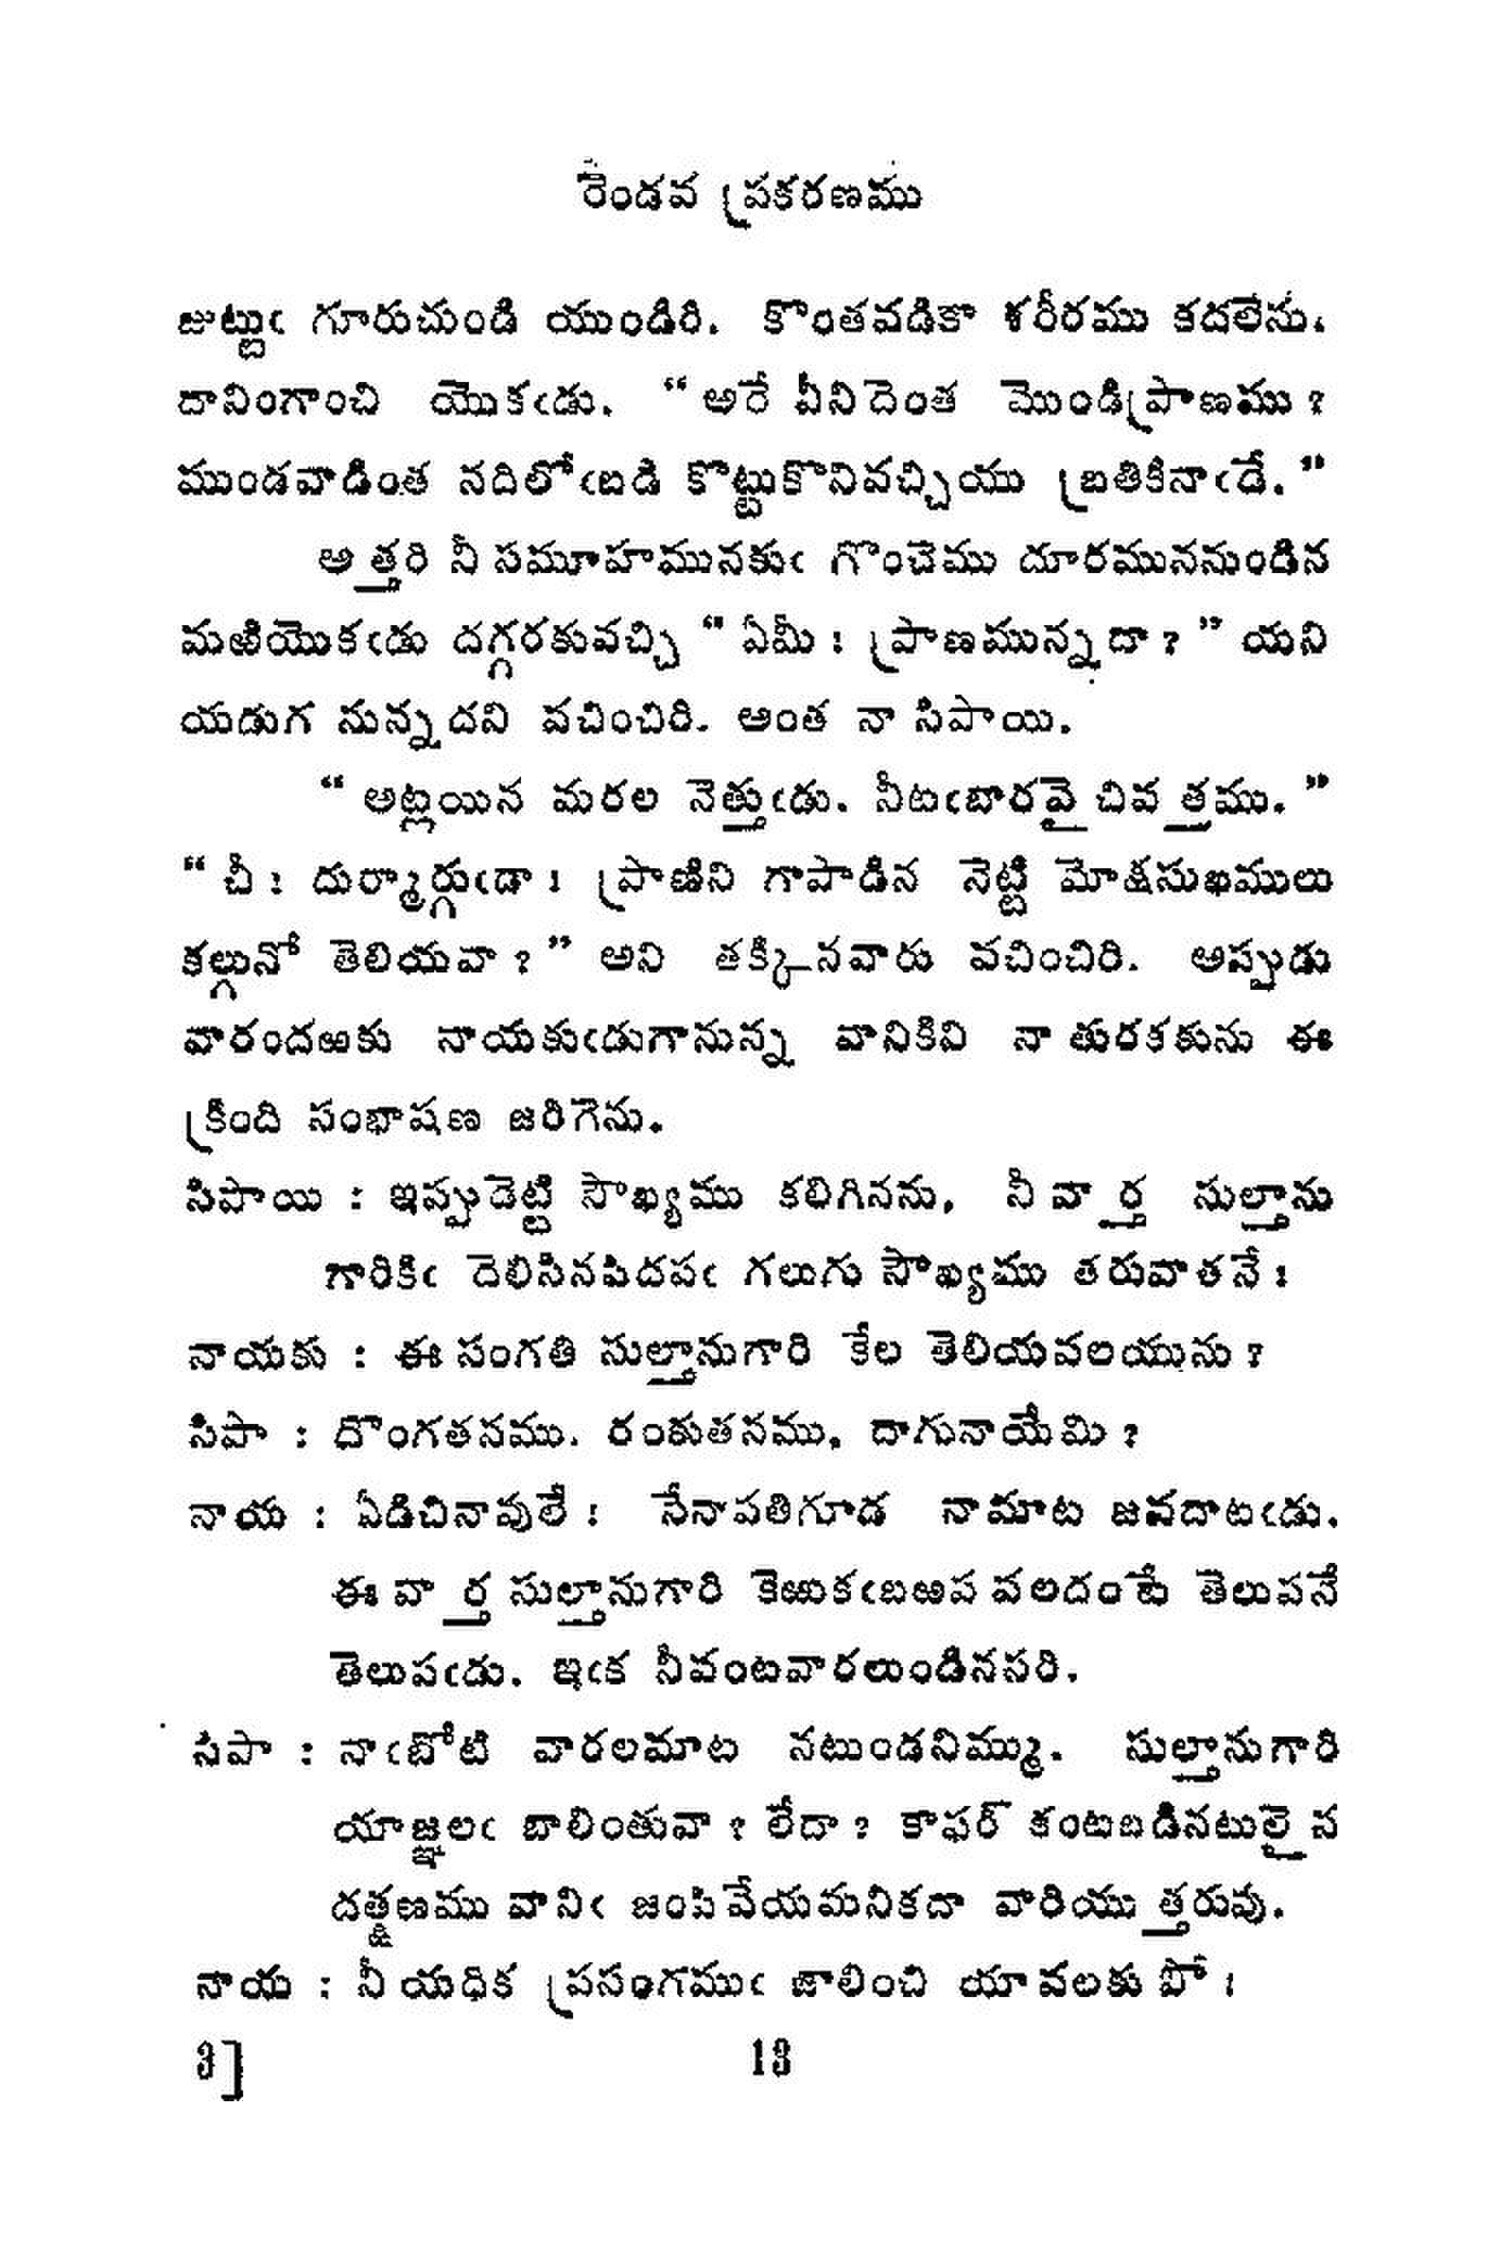జుట్టుఁ గూరుచుండి యుండిరి. కొంతవడికా శరీరము కదలెను. దానింగాంచి యొకఁడు. "అరే వీనిదెంత మొండిప్రాణము ? ముండవాడింత నదిలోఁబడి కొట్టుకొనివచ్చియు బ్రతికినాఁడే. "

అత్తరి నీ సమూహమునకుఁ గొంచెము దూరముననుండిన మఱియొకఁడు దగ్గరకువచ్చి "ఏమీ : ప్రాణమున్నదా?” యని యడుగ నున్నదని వచించిరి. అంత నా సిపాయి.

“ అట్లయిన మరల నెత్తుఁడు. నీటఁబారవైచివత్తము. " " చీ : దుర్మార్గుఁడా ! ప్రాణిని గాపాడిన నెట్టి మోక్షసుఖములు కల్గునో తెలియవా?" అని తక్కినవారు వచించిరి. అప్పుడు వారందఱకు నాయకుఁడుగానున్న వానికిని నా తురకకును ఈక్రింది సంభాషణ జరిగెను. 

సిపాయి : ఇప్పుడెట్టి సౌఖ్యము కలిగినను, నీ వార్త సుల్తాను గారికిఁ దెలిసినపిదపఁ గలుగు సౌఖ్యము తరువాతనే ! 

నాయకు : ఈ సంగతి సుల్తానుగారి కేల తెలియవలయును ? 

సిపా : దొంగతనము. రంకుతనము, దాగునాయేమి ? 

నాయ : ఏడిచినావులే! సేనాపతిగూడ నామాట జవదాటఁడు. ఈ వార్త సుల్తానుగారి కెఱుకఁబఱప వలదంటే తెలుపనే తెలుపఁడు. ఇఁక నీవంటవారలుండినసరి, 

సిపా : నాబోటి వారలమాట నటుండనిమ్ము. సుల్తానుగారి యాజ్ఞలఁ బాలింతువా ? లేదా ? కాఫర్ కంటబడినటులైన దత్క్షణము వానిఁ జంపి వేయమనికదా వారియుత్తరువు. 

నాయ : నీ యధిక ప్రసంగముఁ జాలించి యావలకు పో!